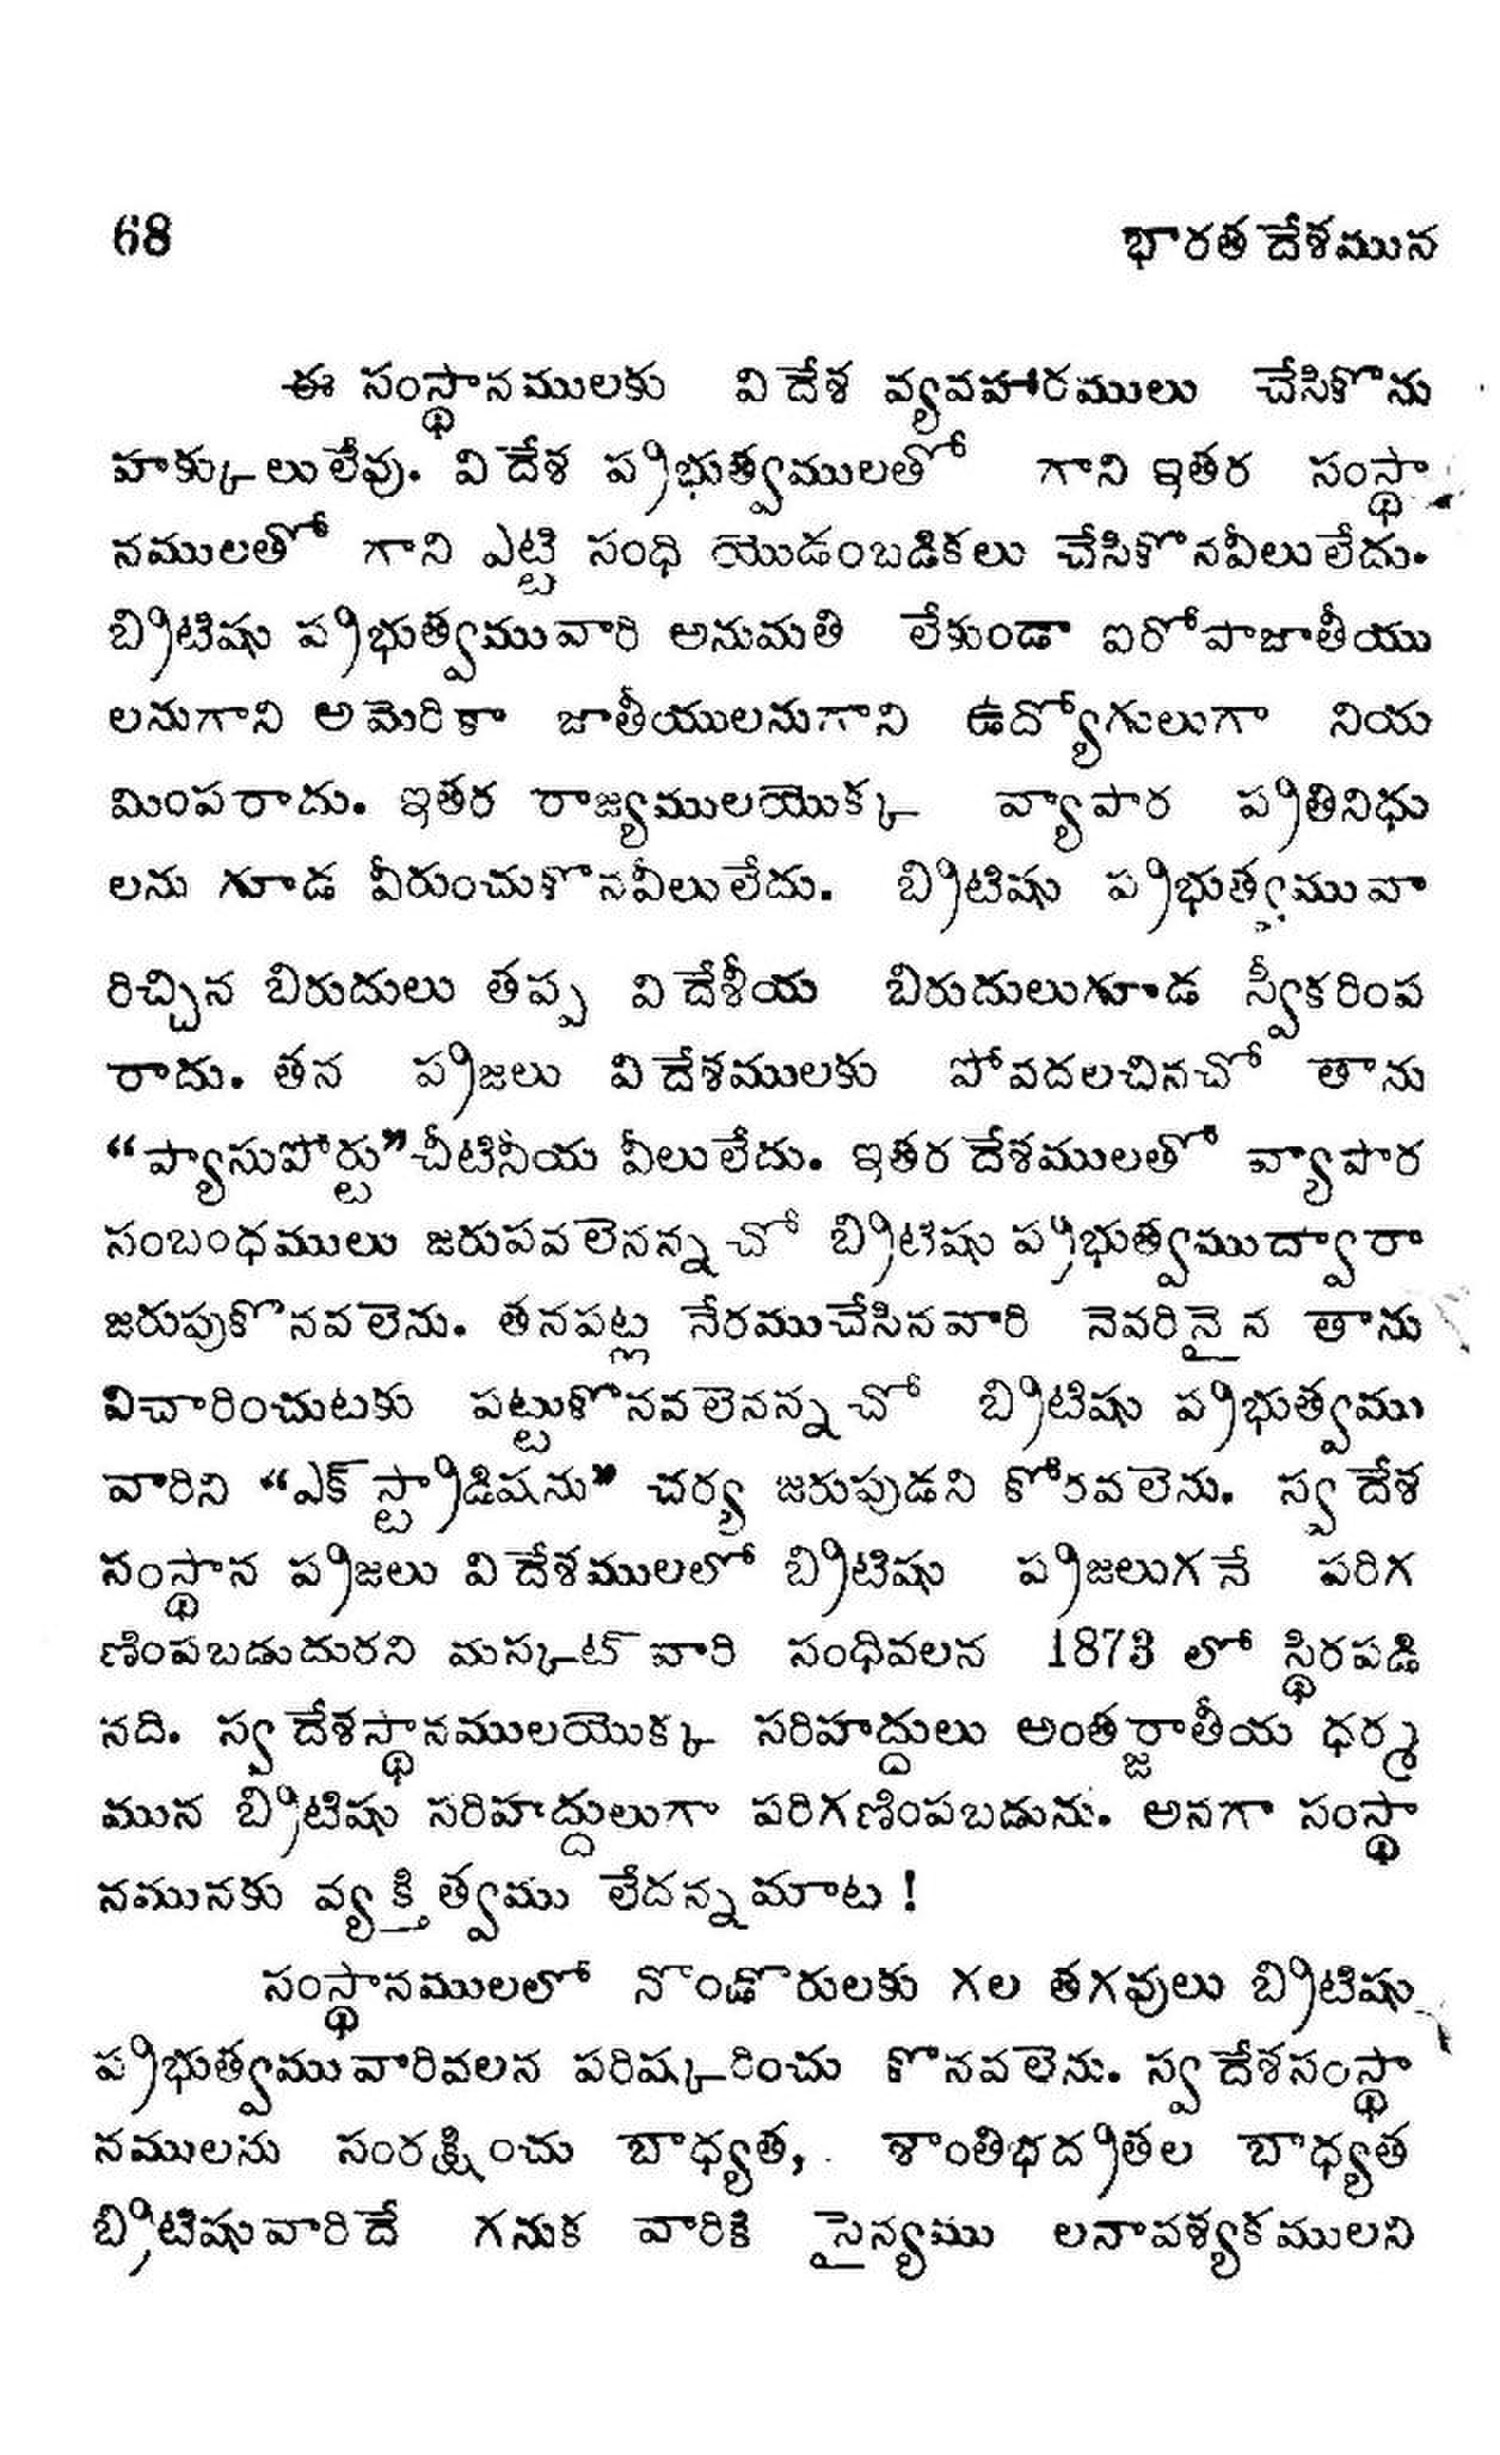ఈ సంస్థానములకు విదేశ వ్యవహారములు చేసికొను . హక్కులులేవు. విదేశ ప్రభుత్వములతో గాని ఇతర సంస్థానములతో గాని ఎట్టి సంధి యొడంబడికలు చేసికొనవీలులేదు. బ్రిటిషు ప్రభుత్వము వారి అనుమతి లేకుండా ఐరోపాజాతీయులనుగాని అమెరికా జాతీయులనుగాని ఉద్యోగులుగా నియమింపరాదు. ఇతర రాజ్యములయొక్క వ్యాపార ప్రతినిధులను గూడ వీరుంచుకొనవీలులేదు. బ్రిటిషు ప్రభుత్వమువా రిచ్చిన బిరుదులు తప్ప విదేశీయ బిరుదులుగూడ స్వీకరింపరాదు. తన ప్రజలు విదేశములకు పోవదలచినచో తాను “ ప్యాసుపోర్టు" చీటినీయ వీలులేదు. ఇతరదేశములతో వ్యాపార సంబంధములు జరుపవలెనన్నచో బ్రిటిషు ప్రభుత్వముద్వారా జరుపుకొనవలెను. తనపట్ల నేరముచేసినవారి నెవరినైన తాను విచారించుటకు పట్టుకొనవలెనన్నచో బ్రిటిషు ప్రభుత్వము వారిని “ఎక్ స్ట్రాడిషను" చర్య జరుపుడని కోరవలెను. స్వదేశసంస్థాన ప్రజలు విదేశములలో బ్రిటిషు ప్రజలుగనే పరిగణింపబడుదురని మస్కట్ వారి సంధివలన 1873 లో స్థిరపడినది. స్వదేశస్థానములయొక్క సరిహద్దులు అంతర్జాతీయ ధర్మమున బ్రిటిషు సరిహద్దులుగా పరిగణింపబడును. అనగా సంస్థానమునకు వ్యక్తిత్వము లేదన్నమాట !

సంస్థానములలో నొండొరులకు గల తగవులు బ్రిటిషు ప్రభుత్వమువారివలన పరిష్కరించు కొనవలెను. స్వదేశసంస్థానములను సంరక్షించు బాధ్యత, . శాంతిభద్రతల బాధ్యత బ్రిటిషువారిదే గనుక వారికి సైన్యము లనావశ్యకములని